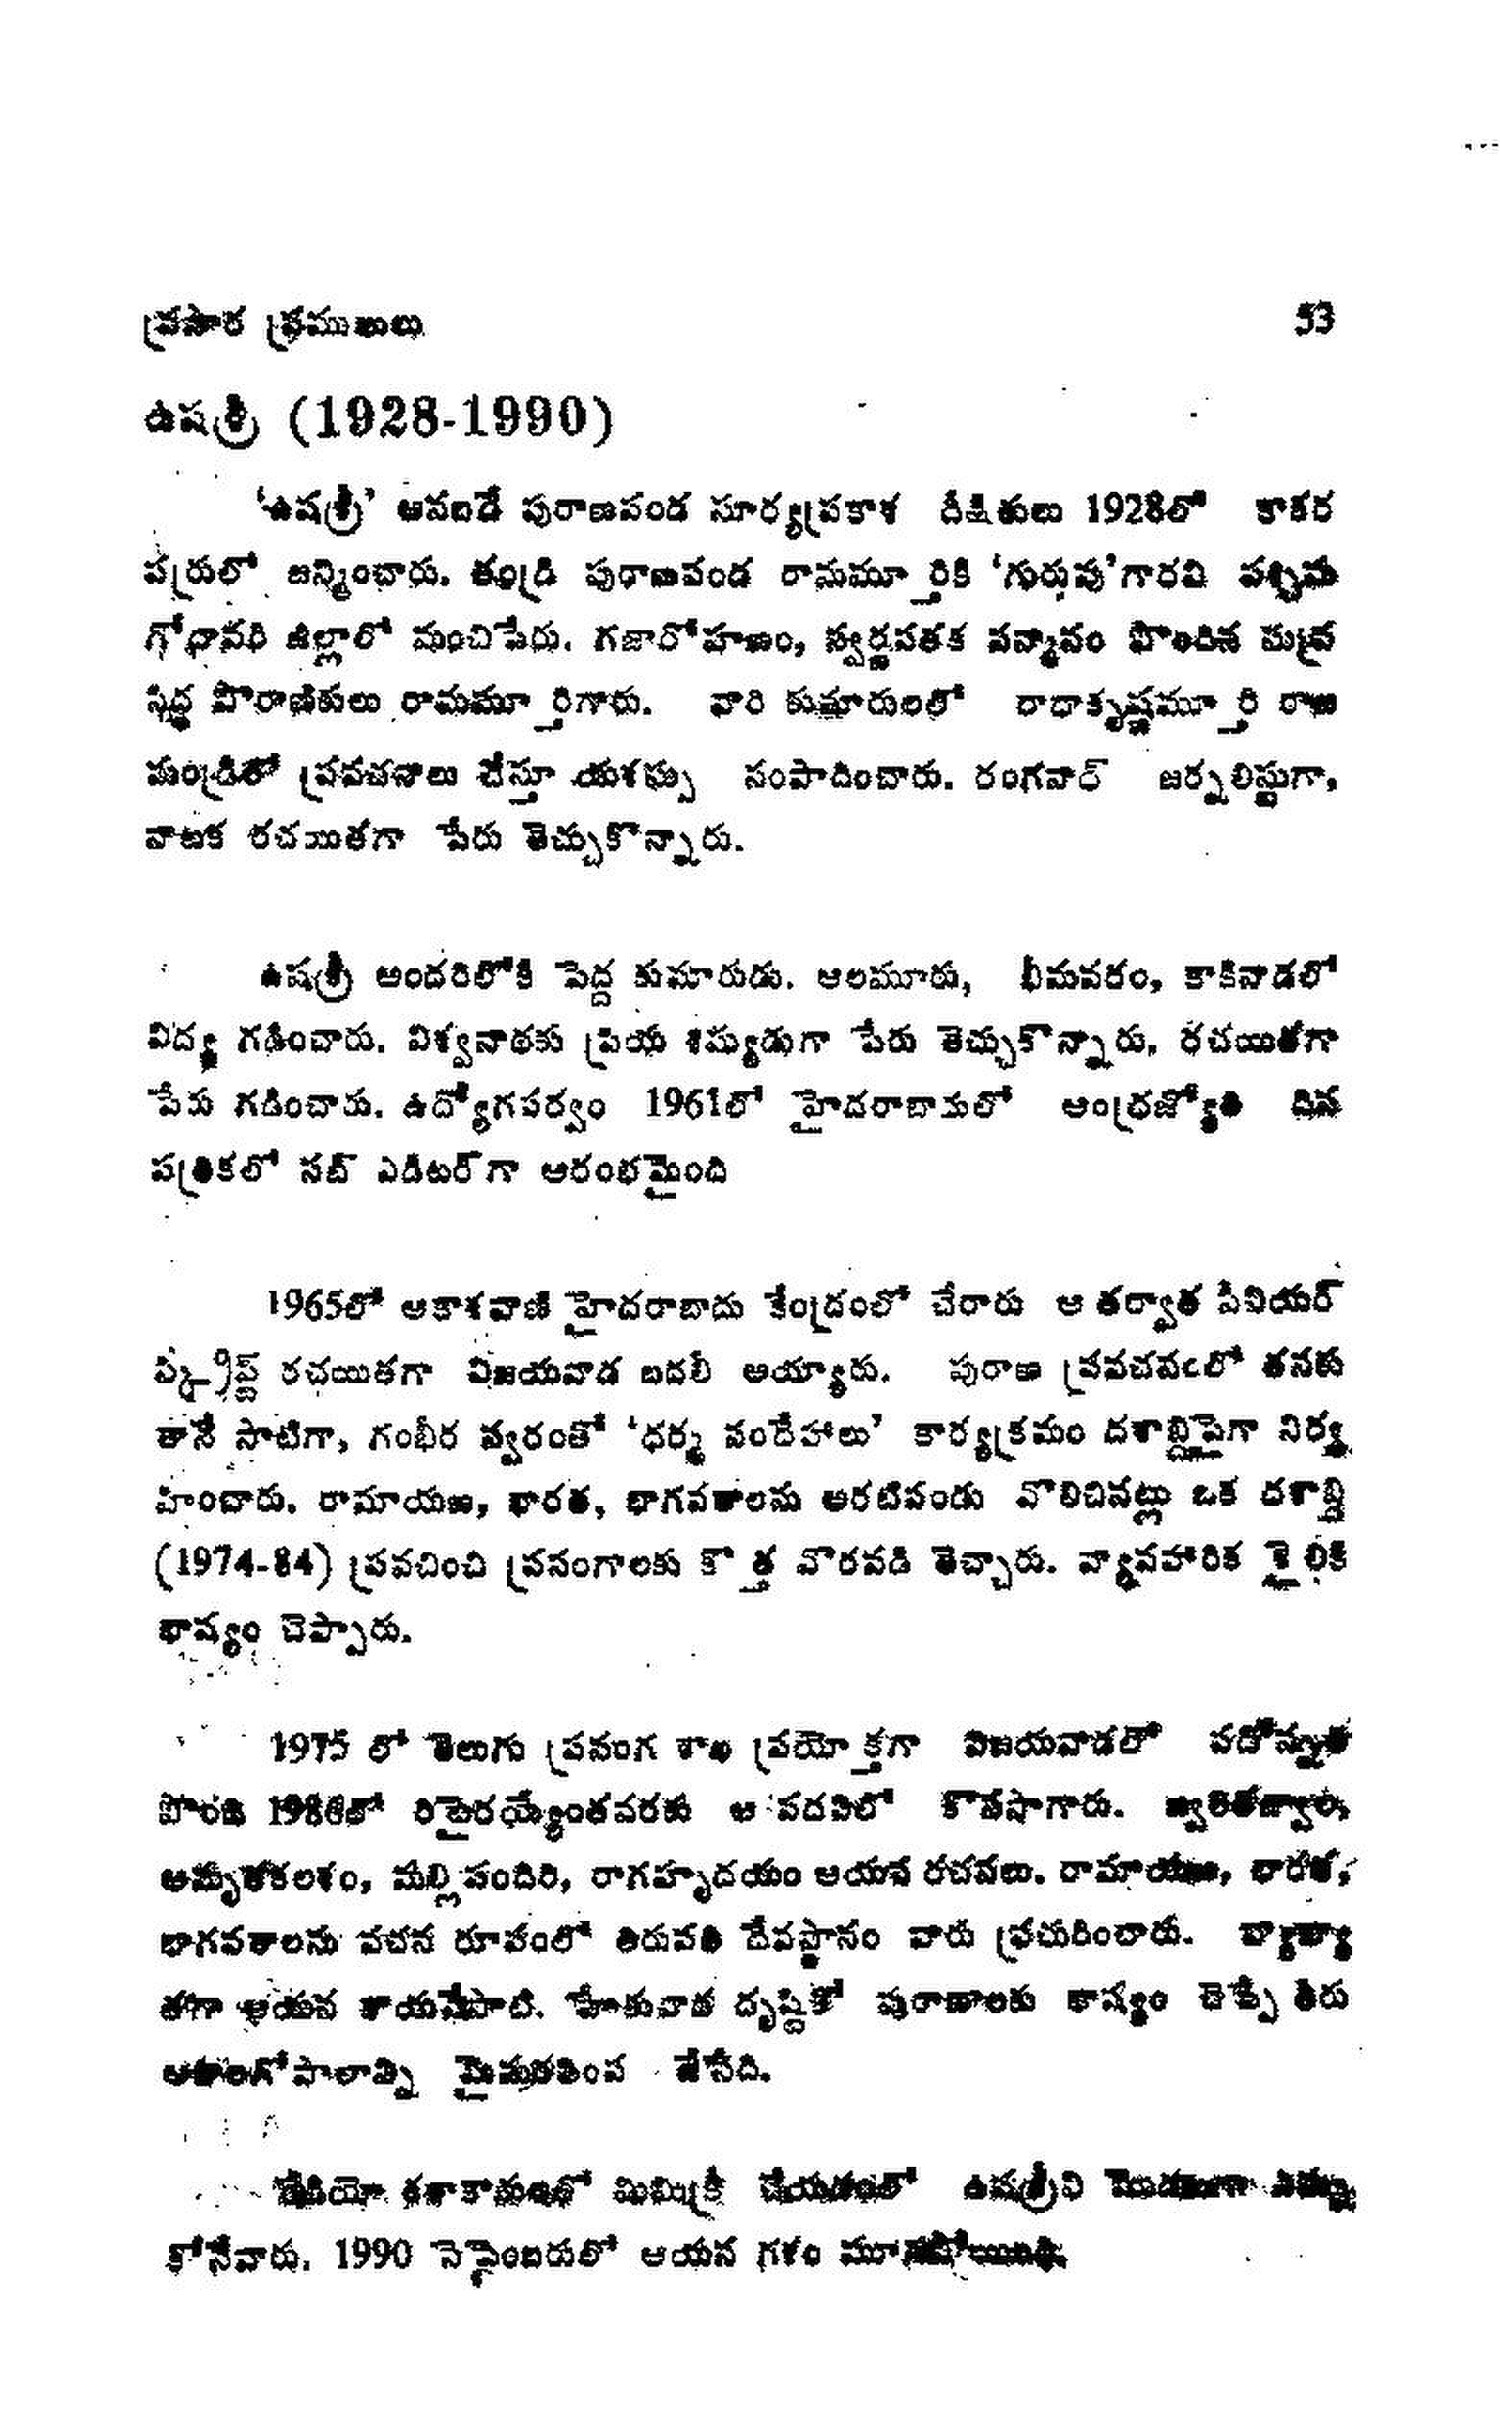'ఉషశ్రీ' అనబడే పురాణపండ సూర్యప్రకాశ దీక్షితులు 1928లో కాకరపర్రులో జన్మించారు. తండ్రి పురాణపండ రామమూర్తికి 'గురువు'గారని పశ్చిమ గోదావరి జిల్లాలో మంచిపేరు. గజారోహణం, స్వర్ణపతక సన్మానం పొందిన సుప్రసిద్ధ పౌరాణికులు రామమూర్తిగారు. వారి కుమారులలో రాధాకృష్ణమూర్తి రాజమండ్రిలో ప్రవచనాలు చేస్తూ యశస్సు సంపాదించారు. రంగనాధ్ జర్నలిస్టుగా, నాటక రచయితగా పేరు తెచ్చుకొన్నారు.

ఉషశ్రీ అందరిలోకి పెద్ద కుమారుడు. ఆలమూరు, భీమవరం, కాకినాడలో విద్య గడించారు. విశ్వనాథకు ప్రియ శిష్యుడుగా పేరు తెచ్చుకొన్నారు. రచయితగా పేరు గడించారు. ఉద్యోగపర్వం 1961 లో హైదరాబాదులో ఆంధ్రజ్యోతి దినపత్రికలో సబ్ ఎడిటర్ గా ఆరంభమైంది.

1965లో ఆకాశవాణి హైదరాబాదు కేంద్రంలో చేరారు. ఆ తర్వాత సీనియర్ స్క్రిప్ట్ రచయితగా విజయవాడ బదిలీ అయ్యారు. పురాణ ప్రవచనంలో తనకు తానే సాటిగా, గంభీర స్వరంతో 'ధర్మ సందేహాలు' కార్యక్రమం దశాబ్దిపైగా నిర్వహించారు. రామాయణ, భారత, భాగవతాలను అరటిపండు వొలిచినట్లు ఒక దశాబ్ది (1974-84) ప్రవచించి ప్రసంగాలకు కొత్త వొరవడి తెచ్చారు. వ్యావహారిక శైలికి భాష్యం చెప్పారు.

1975లో తెలుగు ప్రసంగ శాఖ ప్రయోక్తగా విజయవాడలో పదోన్నతి పొంది 1986లో రిటైరయ్యేంతవరకు ఆపదవిలో కొనసాగారు. జ్వరితజ్వాల, అమృతకలశం, మల్లిపందిరి, రాగహృదయం ఆయన రచనలు, రామాయణ, భారత, భాగవతాలను వచన రూపంలో తిరుపతి దేవస్థానం వారు ప్రచురించారు. వ్యాఖ్యాతగా ఆయన కాయనేసాటి. హేతువాద దృష్టితో పురాణాలకు భాష్యం చెప్పే తీరు ఆబాలగోపాలాన్ని మైమరపింప జేసెది

రేడియో కళాకారులలో మిమిక్రీ చేయడంలో ఉషశ్రీవి మొదటగా ఎన్నుకొనేవారు. 1990 సెప్టెంబరులో ఆయన గళం మూగపోయింది.